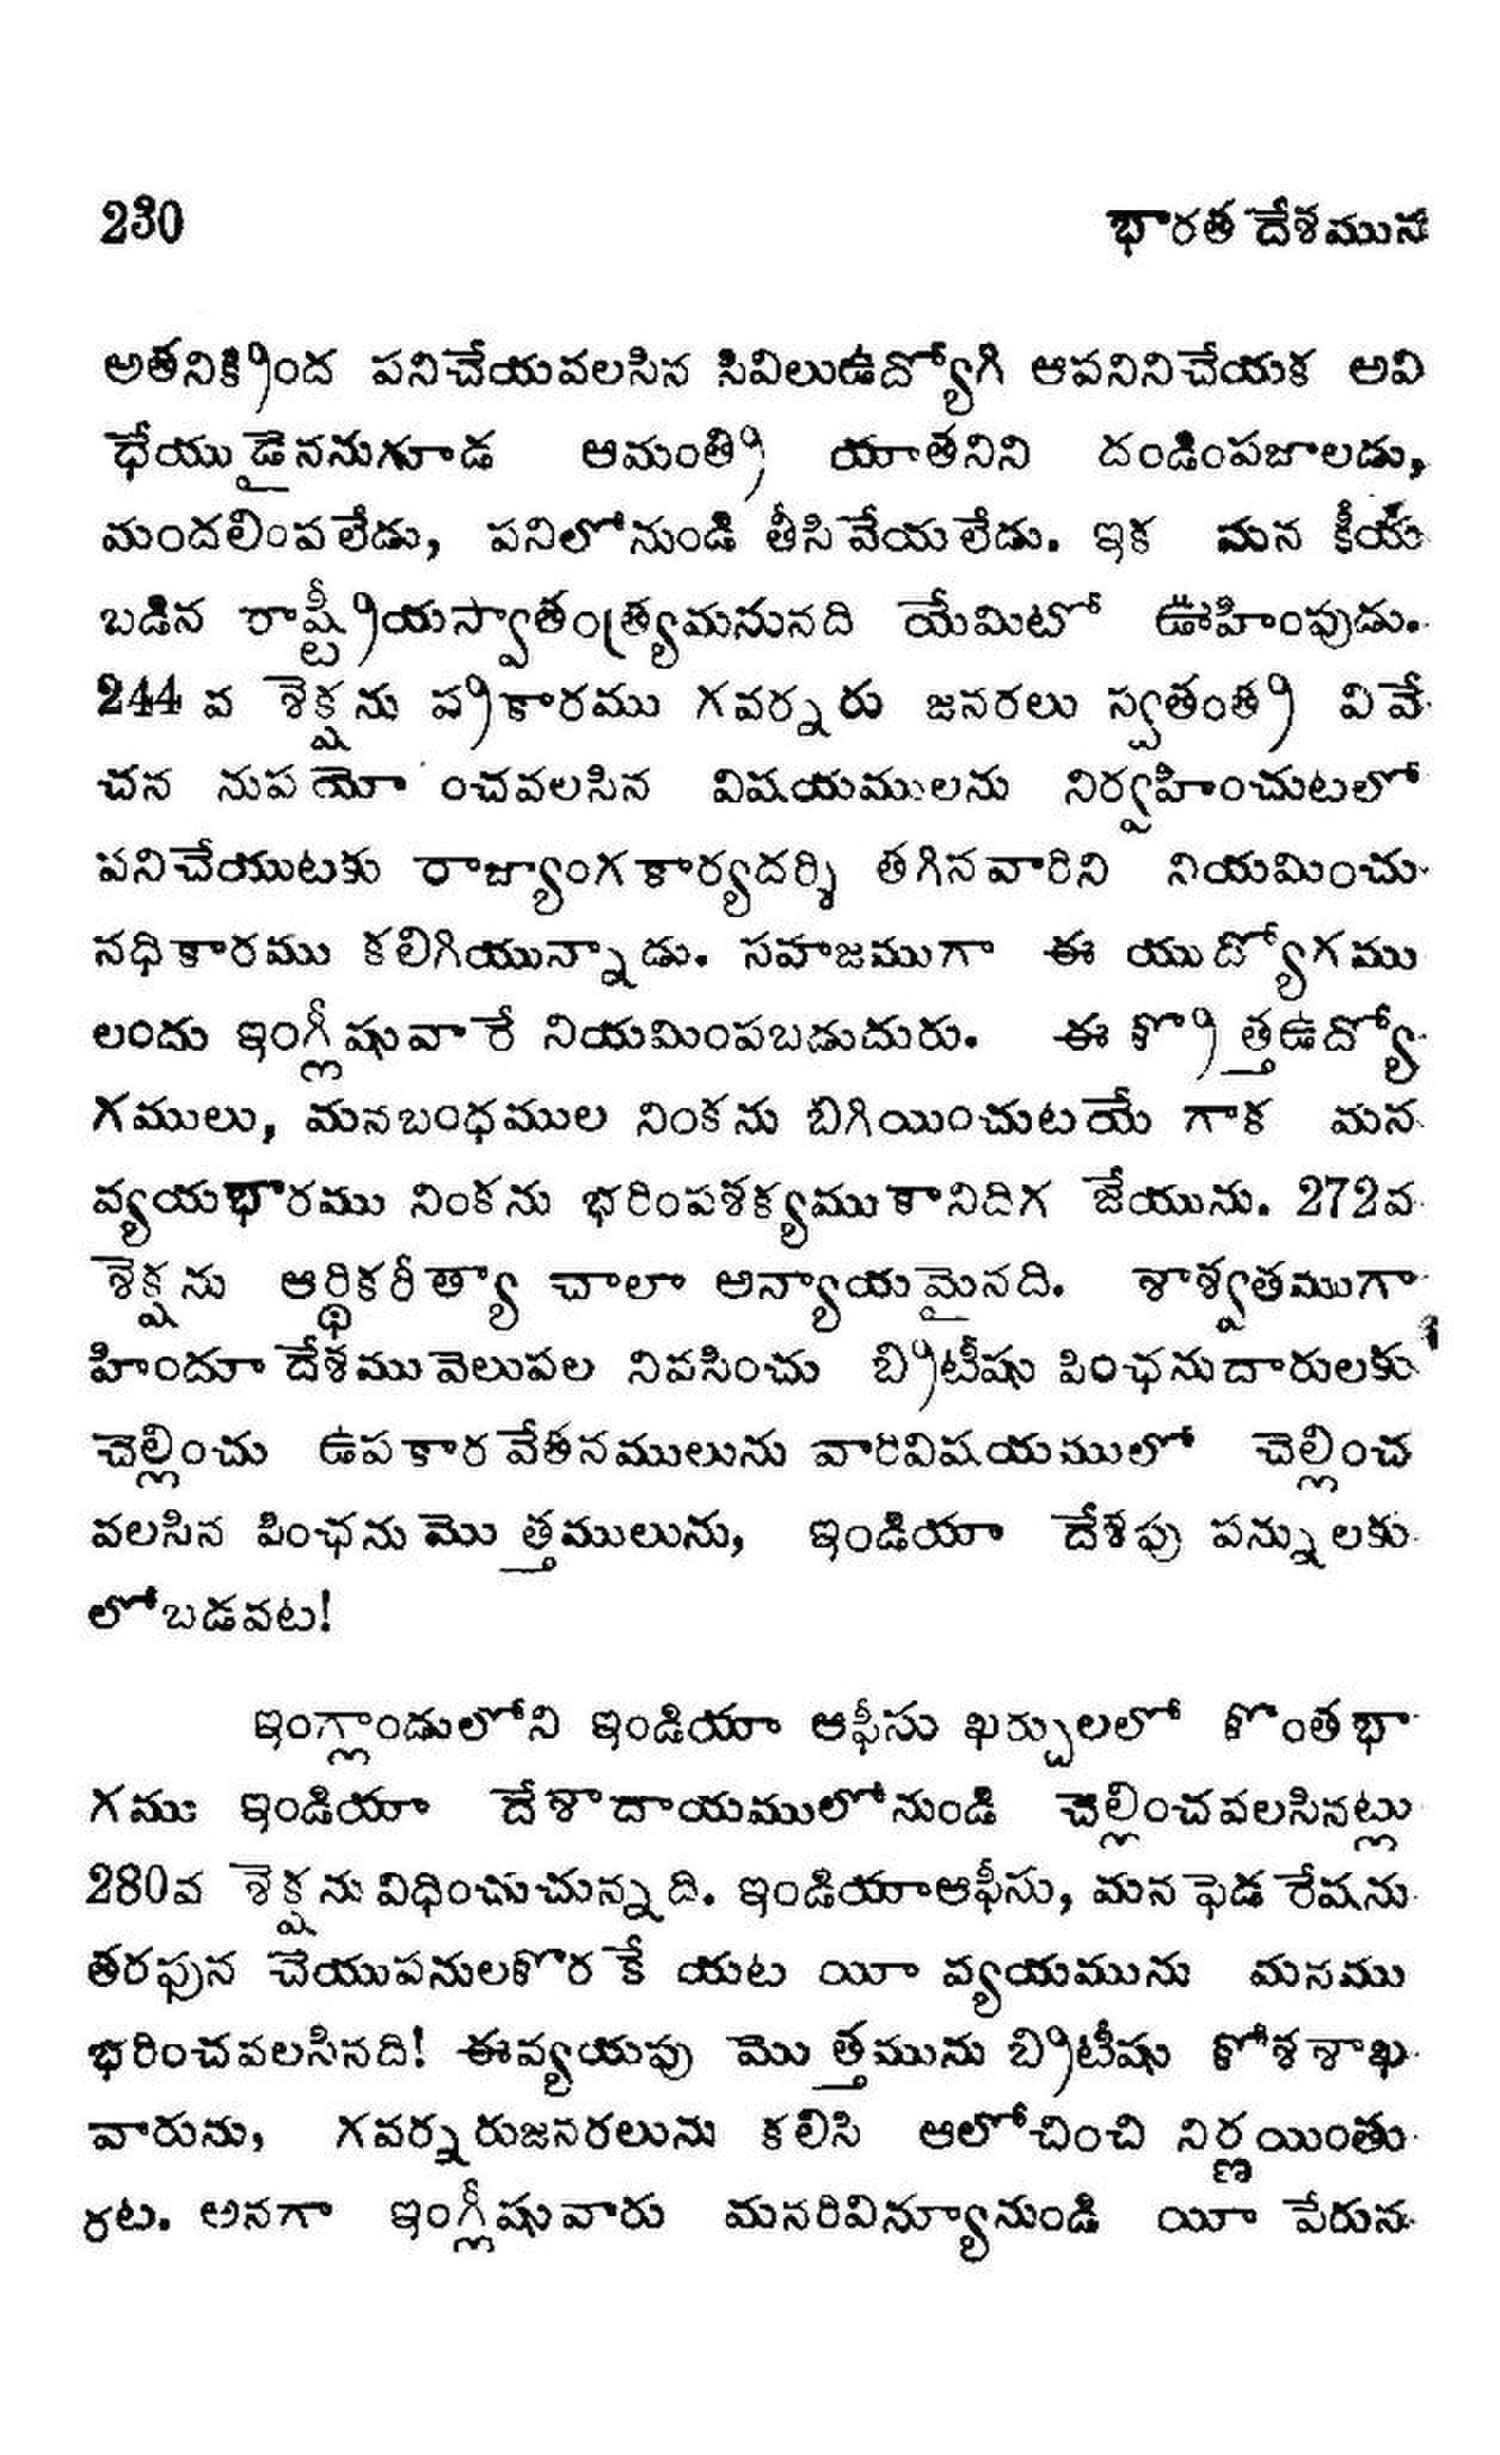అతనిక్రింద పనిచేయవలసిన సివిలుఉద్యోగి ఆపనినిచేయక అవిధేయుడైననుగూడ ఆమంత్రి యాతనిని దండింపజాలడు, మందలింపలేడు, పనిలోనుండి తీసివేయలేడు. ఇక మన కీయబడిన రాష్ట్రీయస్వాతంత్ర్యమనునది యేమిటో ఊహింవుడు.. 244 వ శెక్షను ప్రకారము గవర్నరు జనరలు స్వతంత్ర వివేచన నుపయోగించవలసిన విషయములను నిర్వహించుటలో పనిచేయుటకు రాజ్యాంగకార్యదర్శి తగినవారిని నియమించు నధికారము కలిగియున్నాడు. సహజముగా ఈ యుద్యోగములందు ఇంగ్లీషువారే నియమింపబడుదురు. ఈక్రొత్తఉద్యోగములు, మనబంధముల నింకను బిగియించుటయే గాక మన వ్యయభారము నింకను భరింపశక్యము కానిదిగ జేయును. 272 వ శెక్షను ఆర్థికరీత్యా చాలా అన్యాయమైనది. శాశ్వతముగా హిందూదేశమువెలుపల నివసించు బ్రిటీషు పింఛనుదారులకు చెల్లించు ఉపకార వేతనములును వారివిషయములో చెల్లించవలసిన పింఛనుమొత్తములును, ఇండియా దేశపు పన్నులకులోబడవట!

ఇంగ్లాండులోని ఇండియా ఆఫీసు ఖర్చులలో కొంతభాగము ఇండియా దేశాదాయములోనుండి చెల్లించవలసినట్లు 280వ శెక్షను విధించుచున్నది. ఇండియాఆఫీసు, మనఫెడరేషను తరఫున చేయుపనులకొరకే యట యీ వ్యయమును మనము భరించవలసినది! ఈవ్యయవు మొత్తమును బ్రిటీషు కోశశాఖ వారును, గవర్నరుజనరలును కలిసి ఆలోచించి నిర్ణయింతురట. అనగా ఇంగ్లీషువారు మనరివిన్యూనుండి యీ పేరున